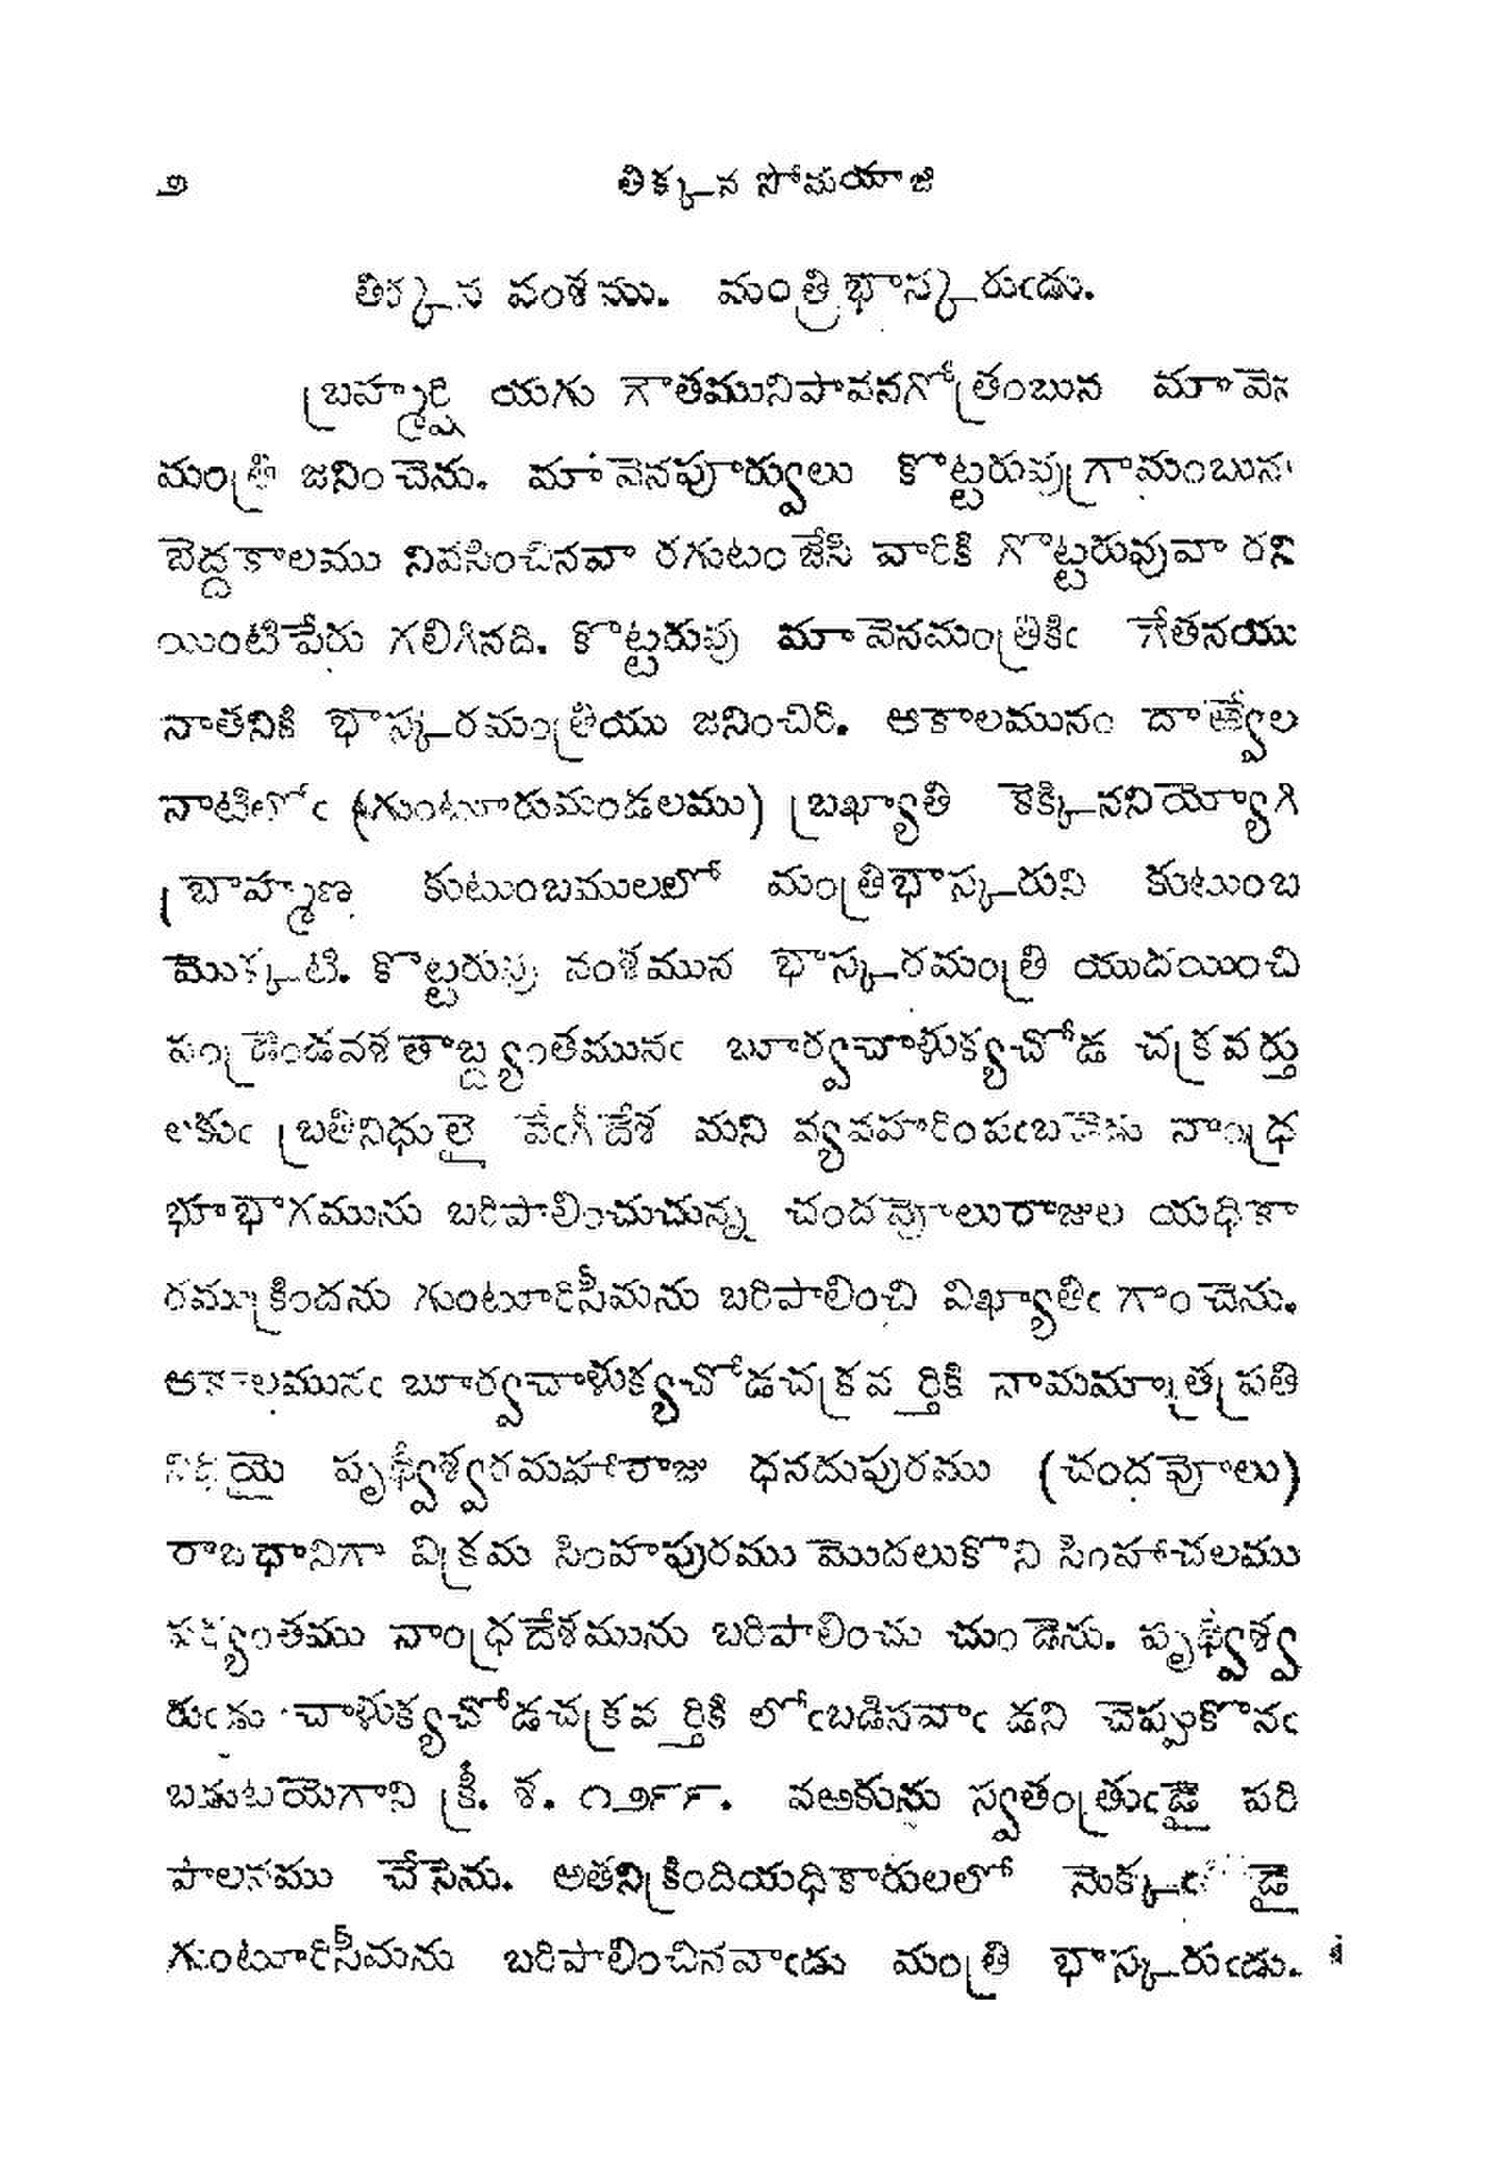తిక్కన వంశము. మంత్రిభాస్కరుఁడు

బ్రహ్మర్షి యగు గౌతమునిపావనగోత్రంబున మావెన మంత్రి జనించెను. మావెనపూర్వులు కొట్టరువుగ్రామంబునఁ బెద్దకాలము నివసించినవా రగుటంజేసి వారికి గొట్టరువువా రని యింటిపేరు గలిగినది. కొట్టరువు మావెనమంత్రికిఁ గేతనయు నాతనికి భాస్కరమంత్రియు జనించిరి. ఆకాలమునం దాఱ్వేలనాటిలోఁ (గుంటూరుమండలము) బ్రఖ్యాతి కెక్కిననియ్యోగి బ్రాహ్మణ కుటుంబములలో మంత్రిభాస్కరుని కుటుంబమొక్కటి. కొట్టరువు వంశమున భాస్కరమంత్రి యుదయించి పండ్రెండవశతాబ్ద్యంతమునఁ బూర్వచాళుక్యచోడ చక్రవర్తులకుఁ బ్రతినిధులై వేఁగీదేశ మని వ్యవహరింపఁబడెడు నాంధ్రభూభాగమును బరిపాలించుచున్న చందవోలురాజుల యధికారముక్రిందను గుంటూరిసీమను బరిపాలించి విఖ్యాతిఁగాంచెను. ఆకాలమునఁ బూర్వచాళుక్యచోడచక్రవర్తికి నామమాత్రప్రతినిధియై పృథ్వీశ్వరమహారాజు ధనదుపురము (చందవోలు) రాజధానిగా విక్రమ సింహపురము మొదలుకొని సింహాచలము పర్యంతము నాంధ్రదేశమును బరిపాలించు చుండెను. పృథ్వీశ్వరుఁడు చాళుక్యచోడచక్రవర్తికి లోఁబడినవాఁ డని చెప్పుకొనఁబడుటయెగాని క్రీ. శ. 1299. వఱకును స్వతంత్రుఁడై పరిపాలనము చేసెను. అతనిక్రిందియధికారులలో నొక్కఁ డై గుంటూరిసీమను బరిపాలించినవాఁడు మంత్రి భాస్కరుఁడు.